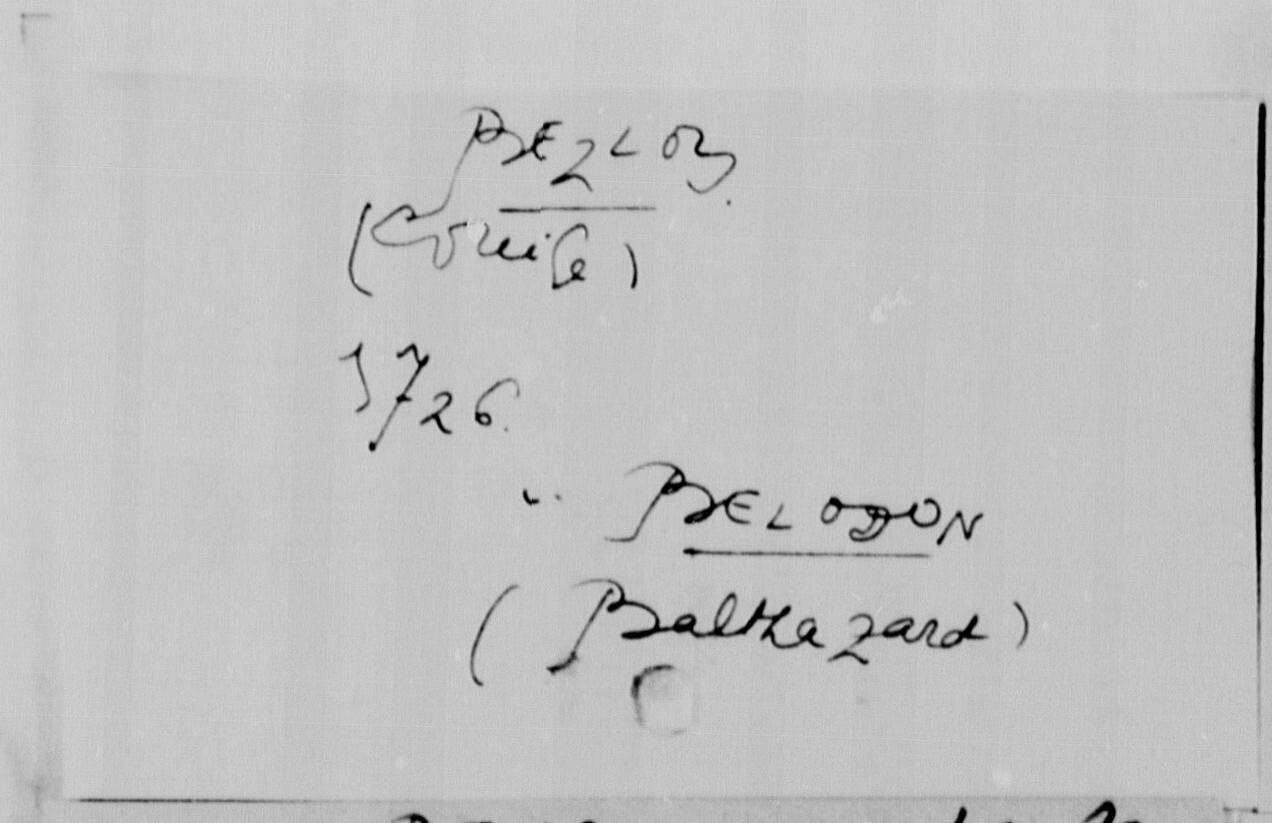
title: BELLOY (Louise)
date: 1726
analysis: Voir BELODON (Balhazard)
